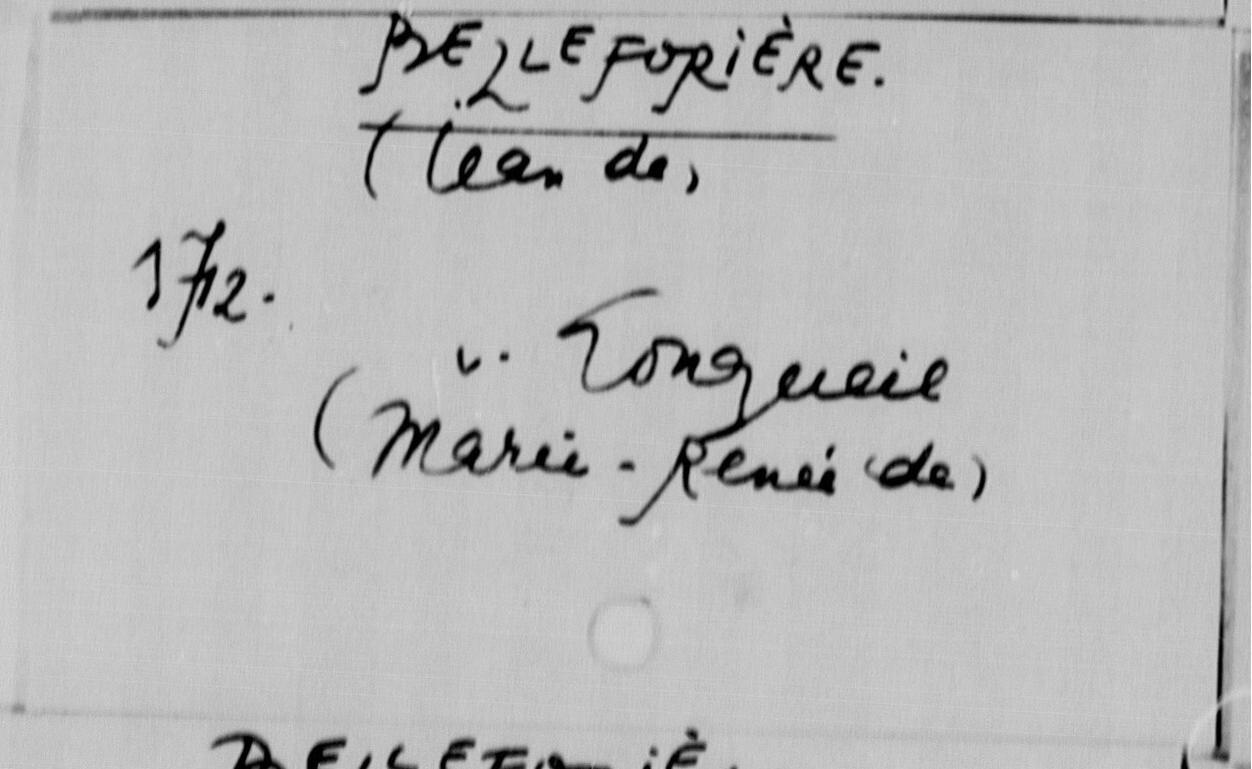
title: BELLEFORIÈRE (Jean de)
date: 1712
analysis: Voir Longueil (Marie-Renée de)
